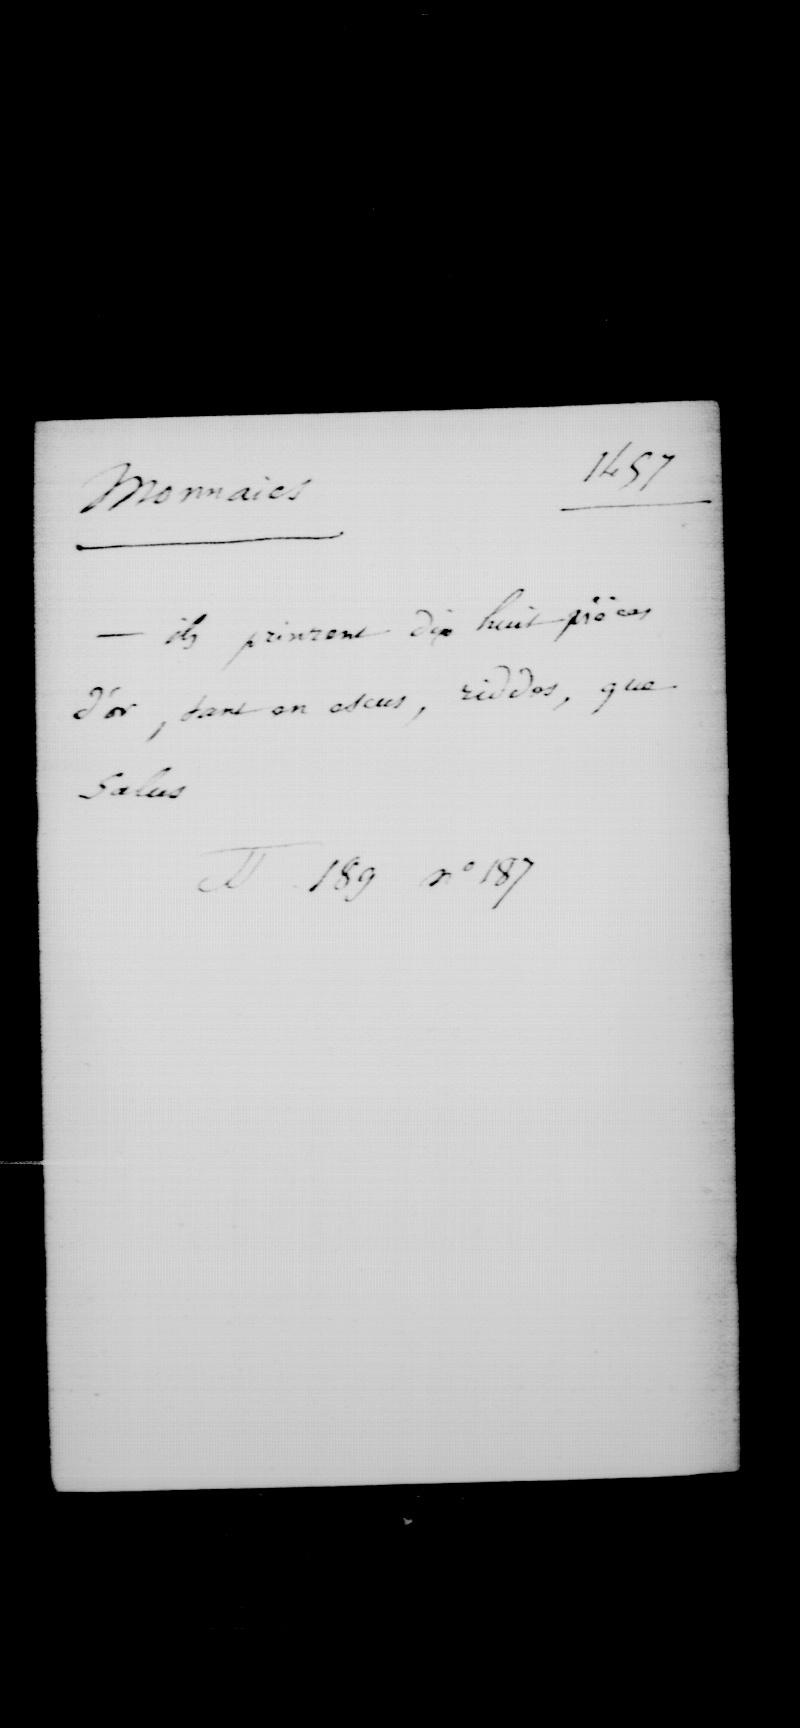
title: Monnaies
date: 1457
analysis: - ils prinrent dix huit pièces d'or, tant en escus, riddes, que salus
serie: JJ
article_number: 189
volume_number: n° 187
